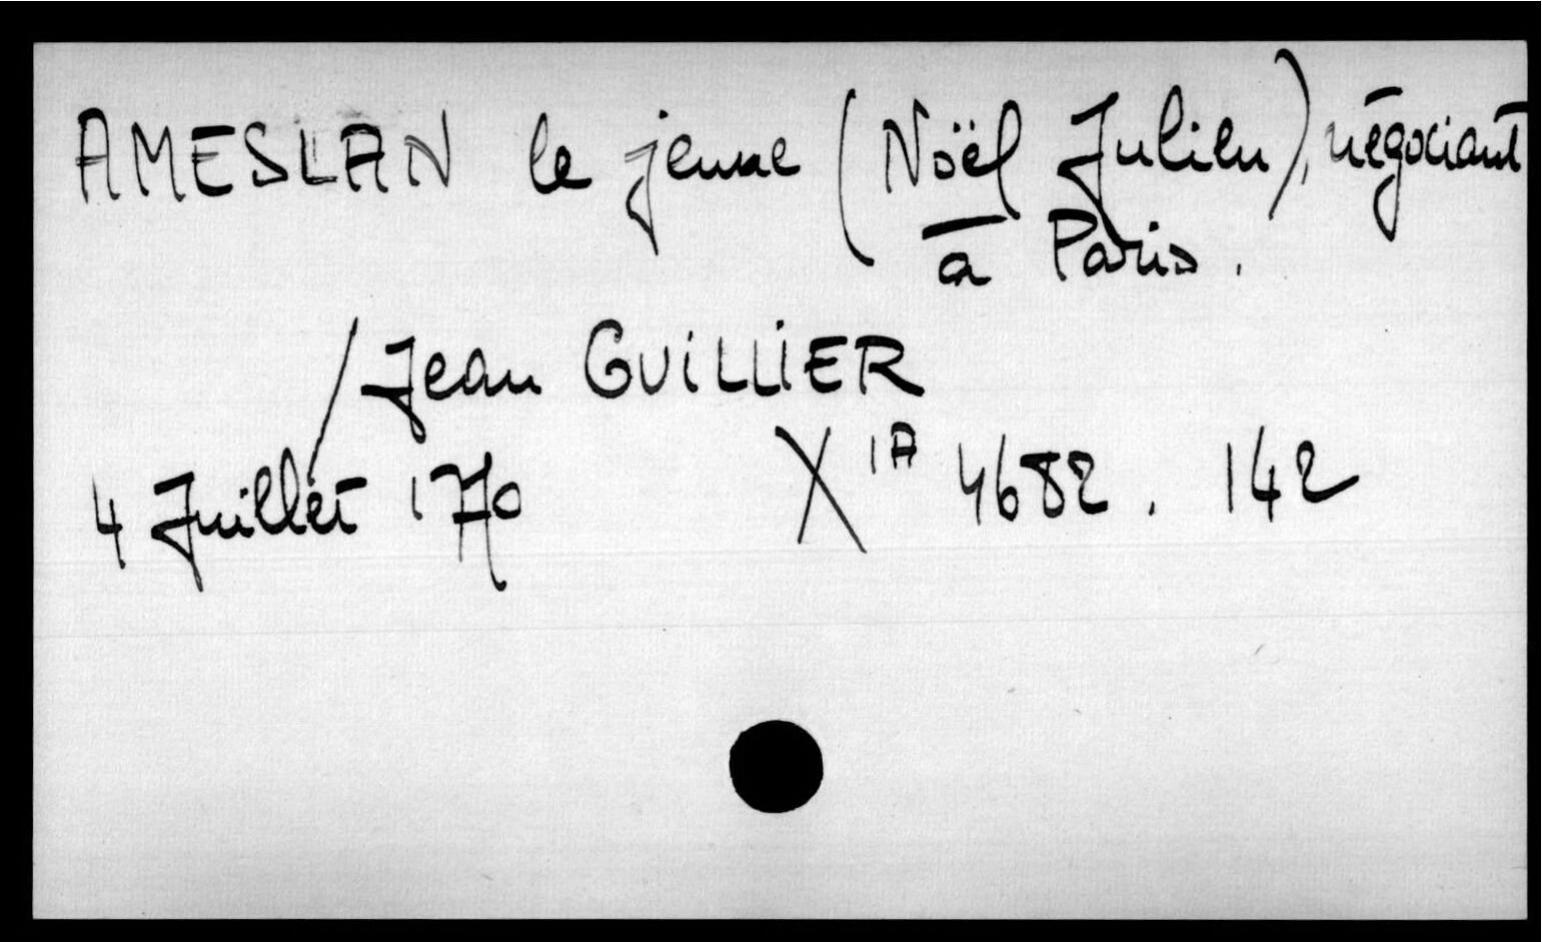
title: AMESLAN le jeune (Noël Julien), négociant à Paris.
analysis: Contre Jean GUILLIER
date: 4 juillet 1770
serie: X1A
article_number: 4682
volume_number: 142
